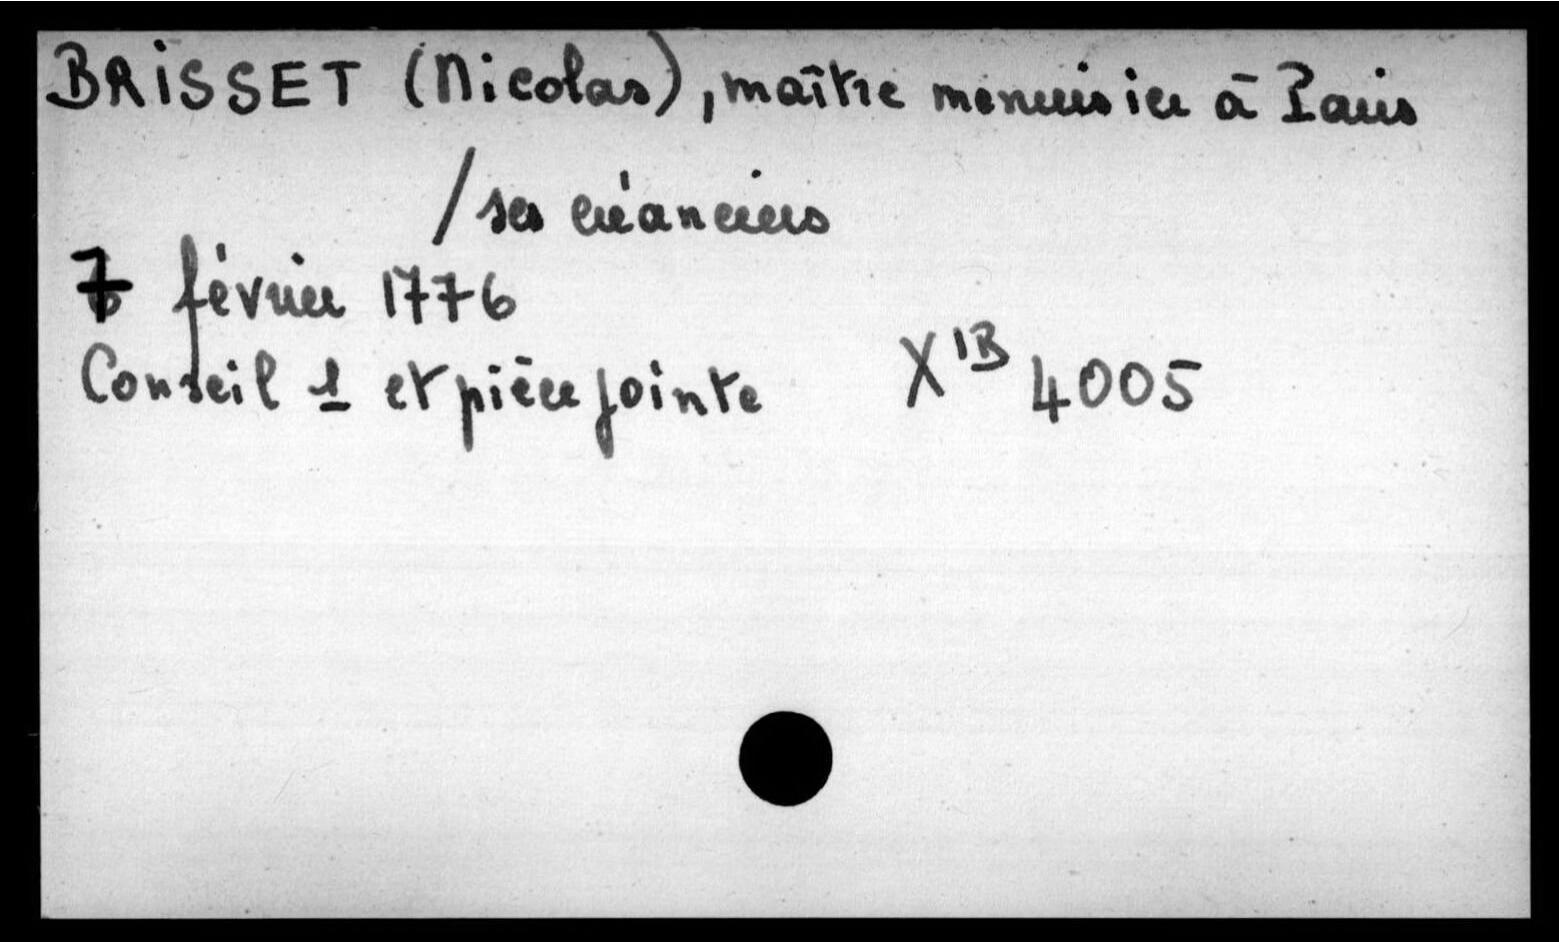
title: BRISSET (Nicolas), maître menuisier à Paris
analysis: Contre ses créanciers
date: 7 février 1776
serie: X1B
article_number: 4005
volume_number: Conseil 1 et pière jointe
